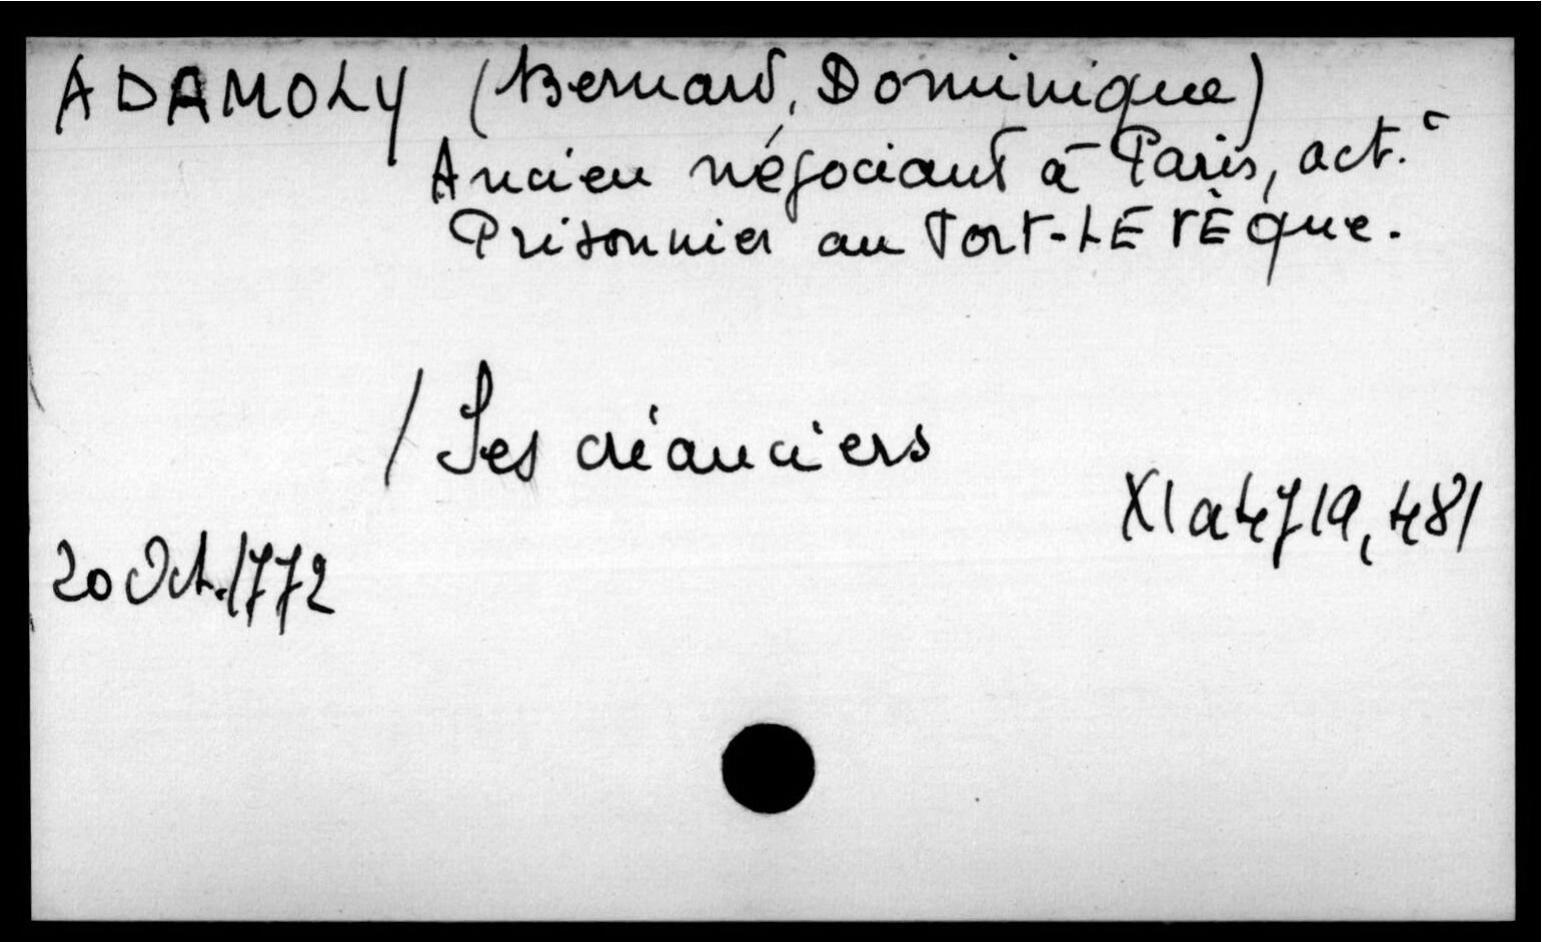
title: ADAMOLY (Bernard, Dominique) Ancien négociant à Paris, actuellement prisonnier au Fort-LEVEQUE.
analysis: Contre Ses créanciers
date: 20 octobre 1772
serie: X1a
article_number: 4719
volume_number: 481
